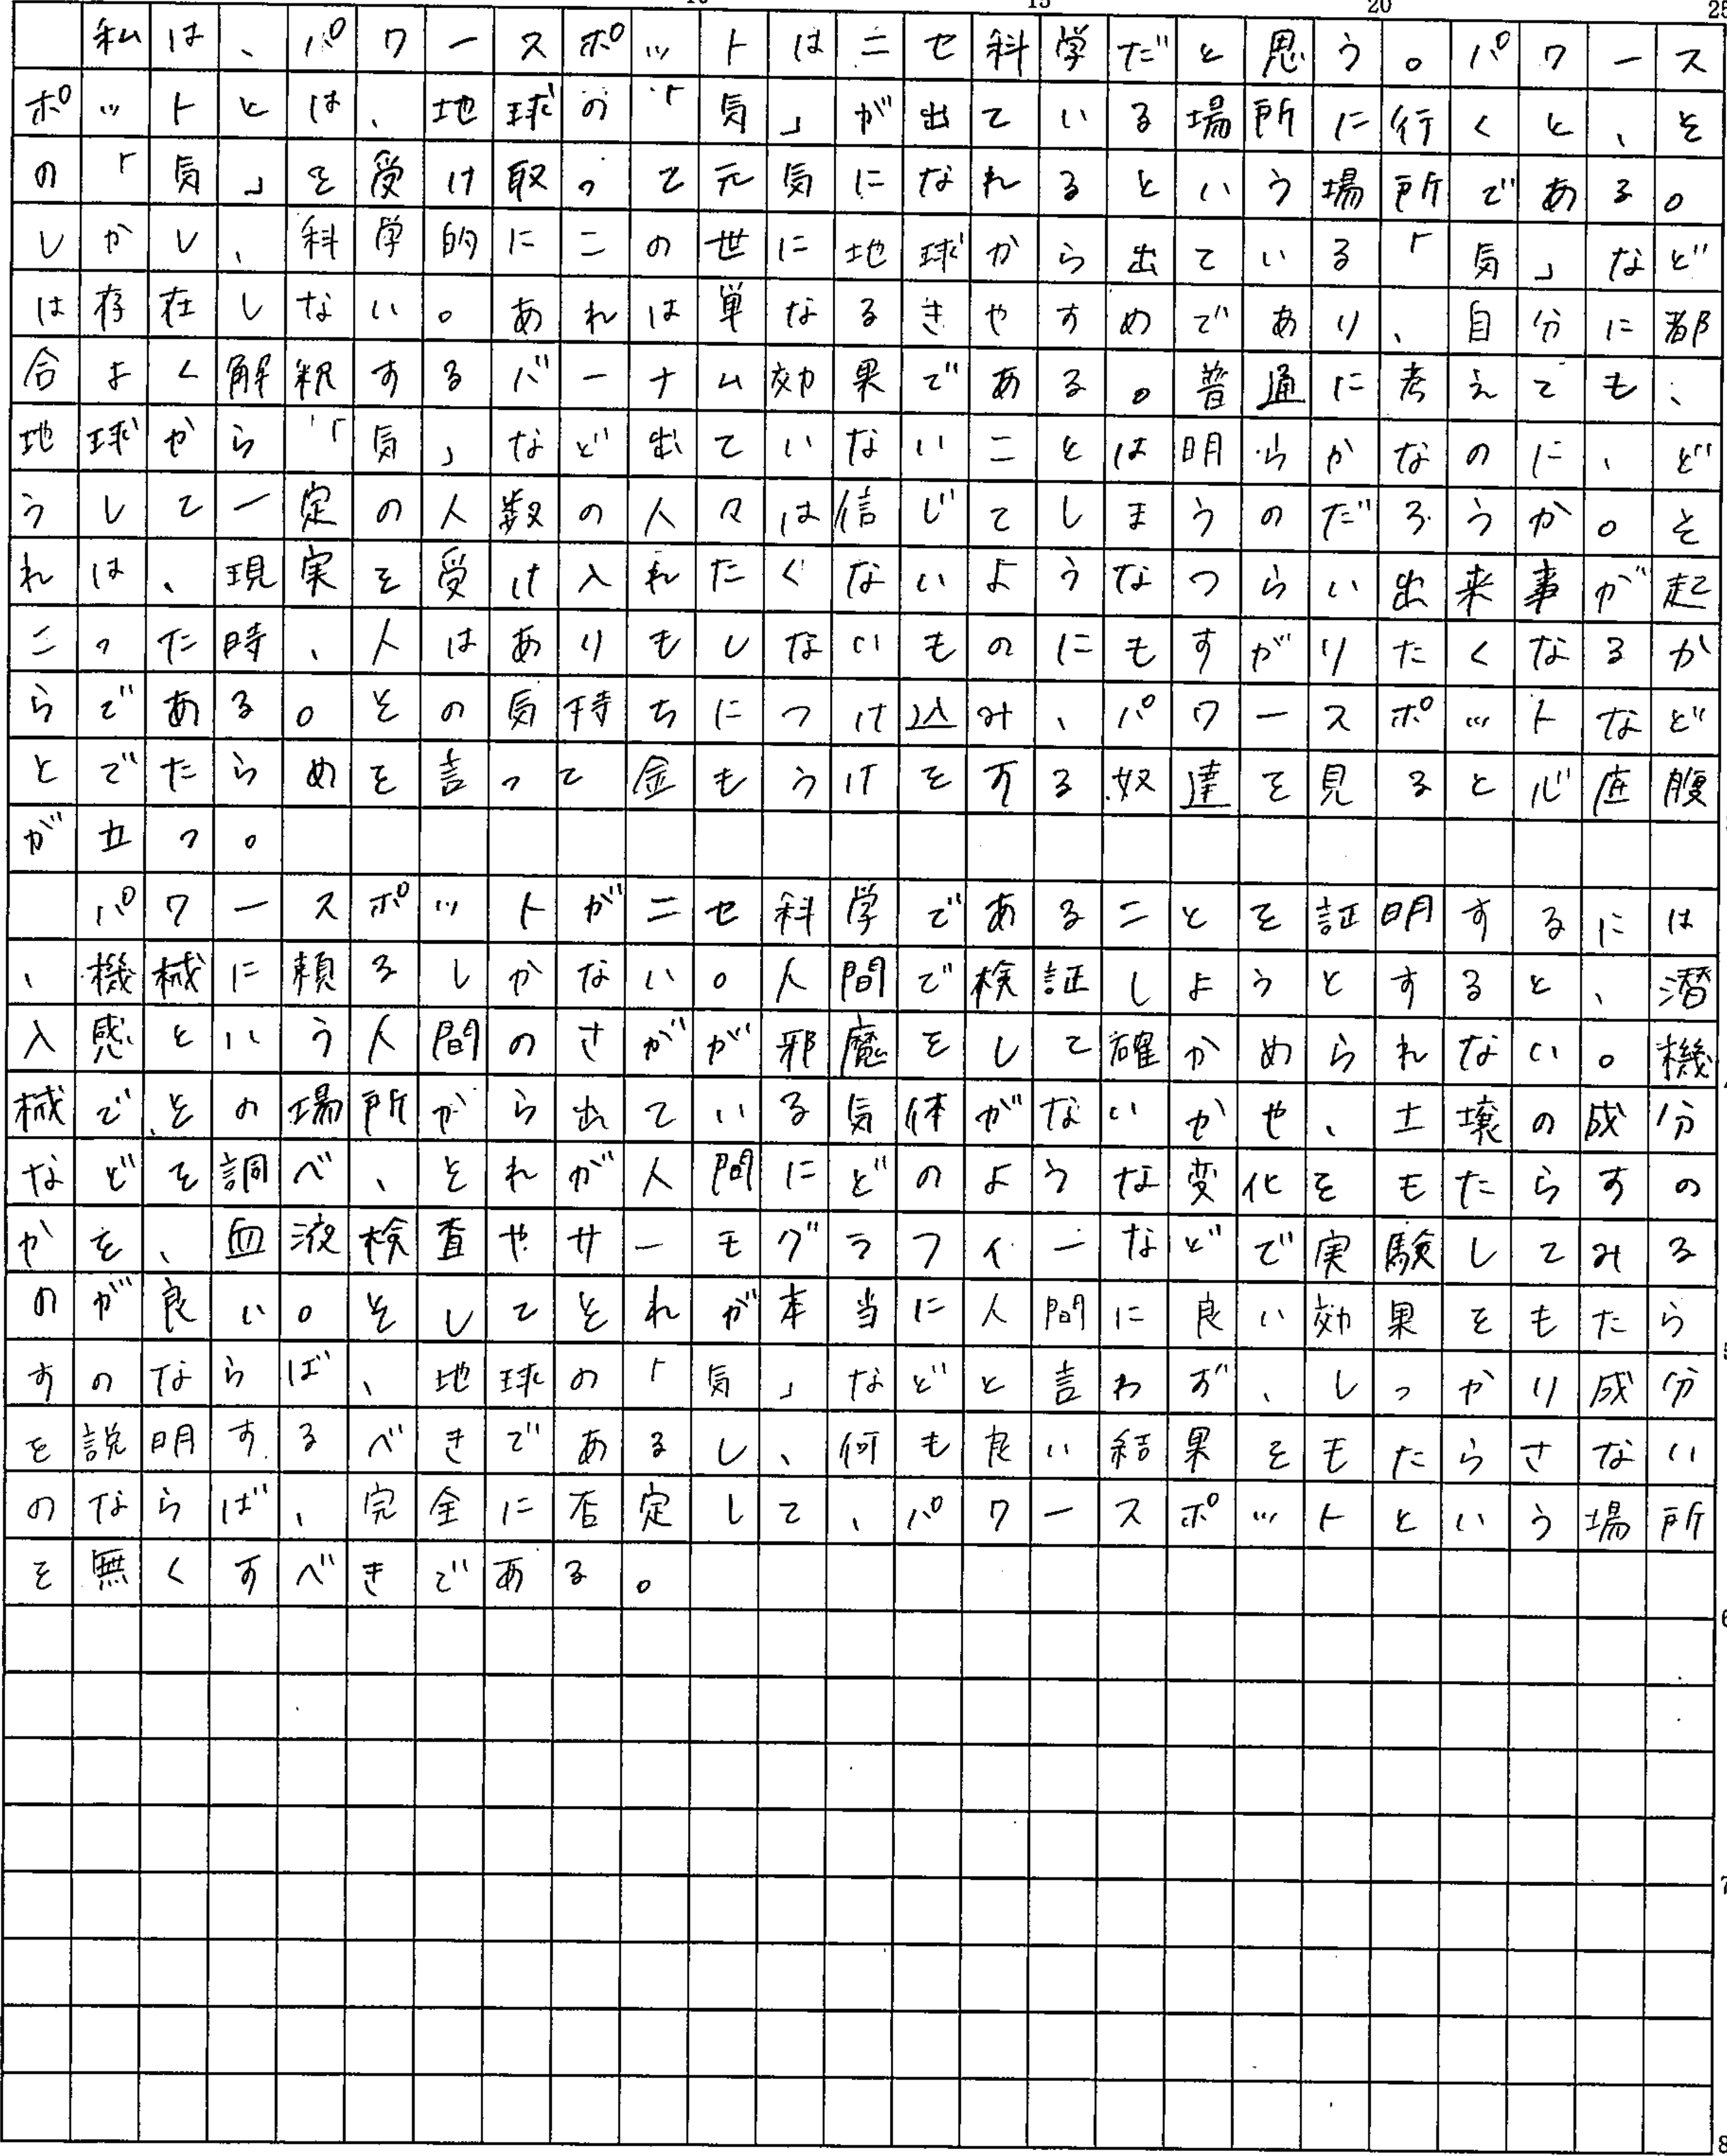　私は、パワースポットはニセ科学だと思う。パワースポットとは、地球の「気」が出ている場所に行くと、その「気」を受け取って元気になれるという場所である。しかし、科学的にこの世に地球から出ている「気」などは存在しない。あれは単なるきやすめであり、自分に都合よく解釈するバーナム効果である。普通に考えても、地球から「気」など出ていないことは明らかなのに、どうして一定の人数の人々は信じてしまうのだろうか。それは、現実を受け入れたくないようなつらい出来事が起こった時、人はありもしないものにもすがりたくなるからである。その気持ちにつけ込み、パワースポットなどとでたらめを言って金もうけをする奴達を見ると心底腹が立つ。
　パワースポットがニセ科学であることを証明するには、機械に頼るしかない。人間で検証しようとすると、潜入感という人間のさがが邪魔をして確かめられない。機械でその場所から出ている気体がないかや、土壌の成分などを調べ、それが人間にどのような変化をもたらすのかを、血液検査やサーモグラフィーなどで実験してみるのが良い。そしてそれが本当に人間に良い効果をもたらすのならば、地球の「気」などと言わず、しっかり成分を説明するべきであるし、何も良い結果をもたらさないのならば、完全に否定して、パワースポットという場所を無くすべきである。
